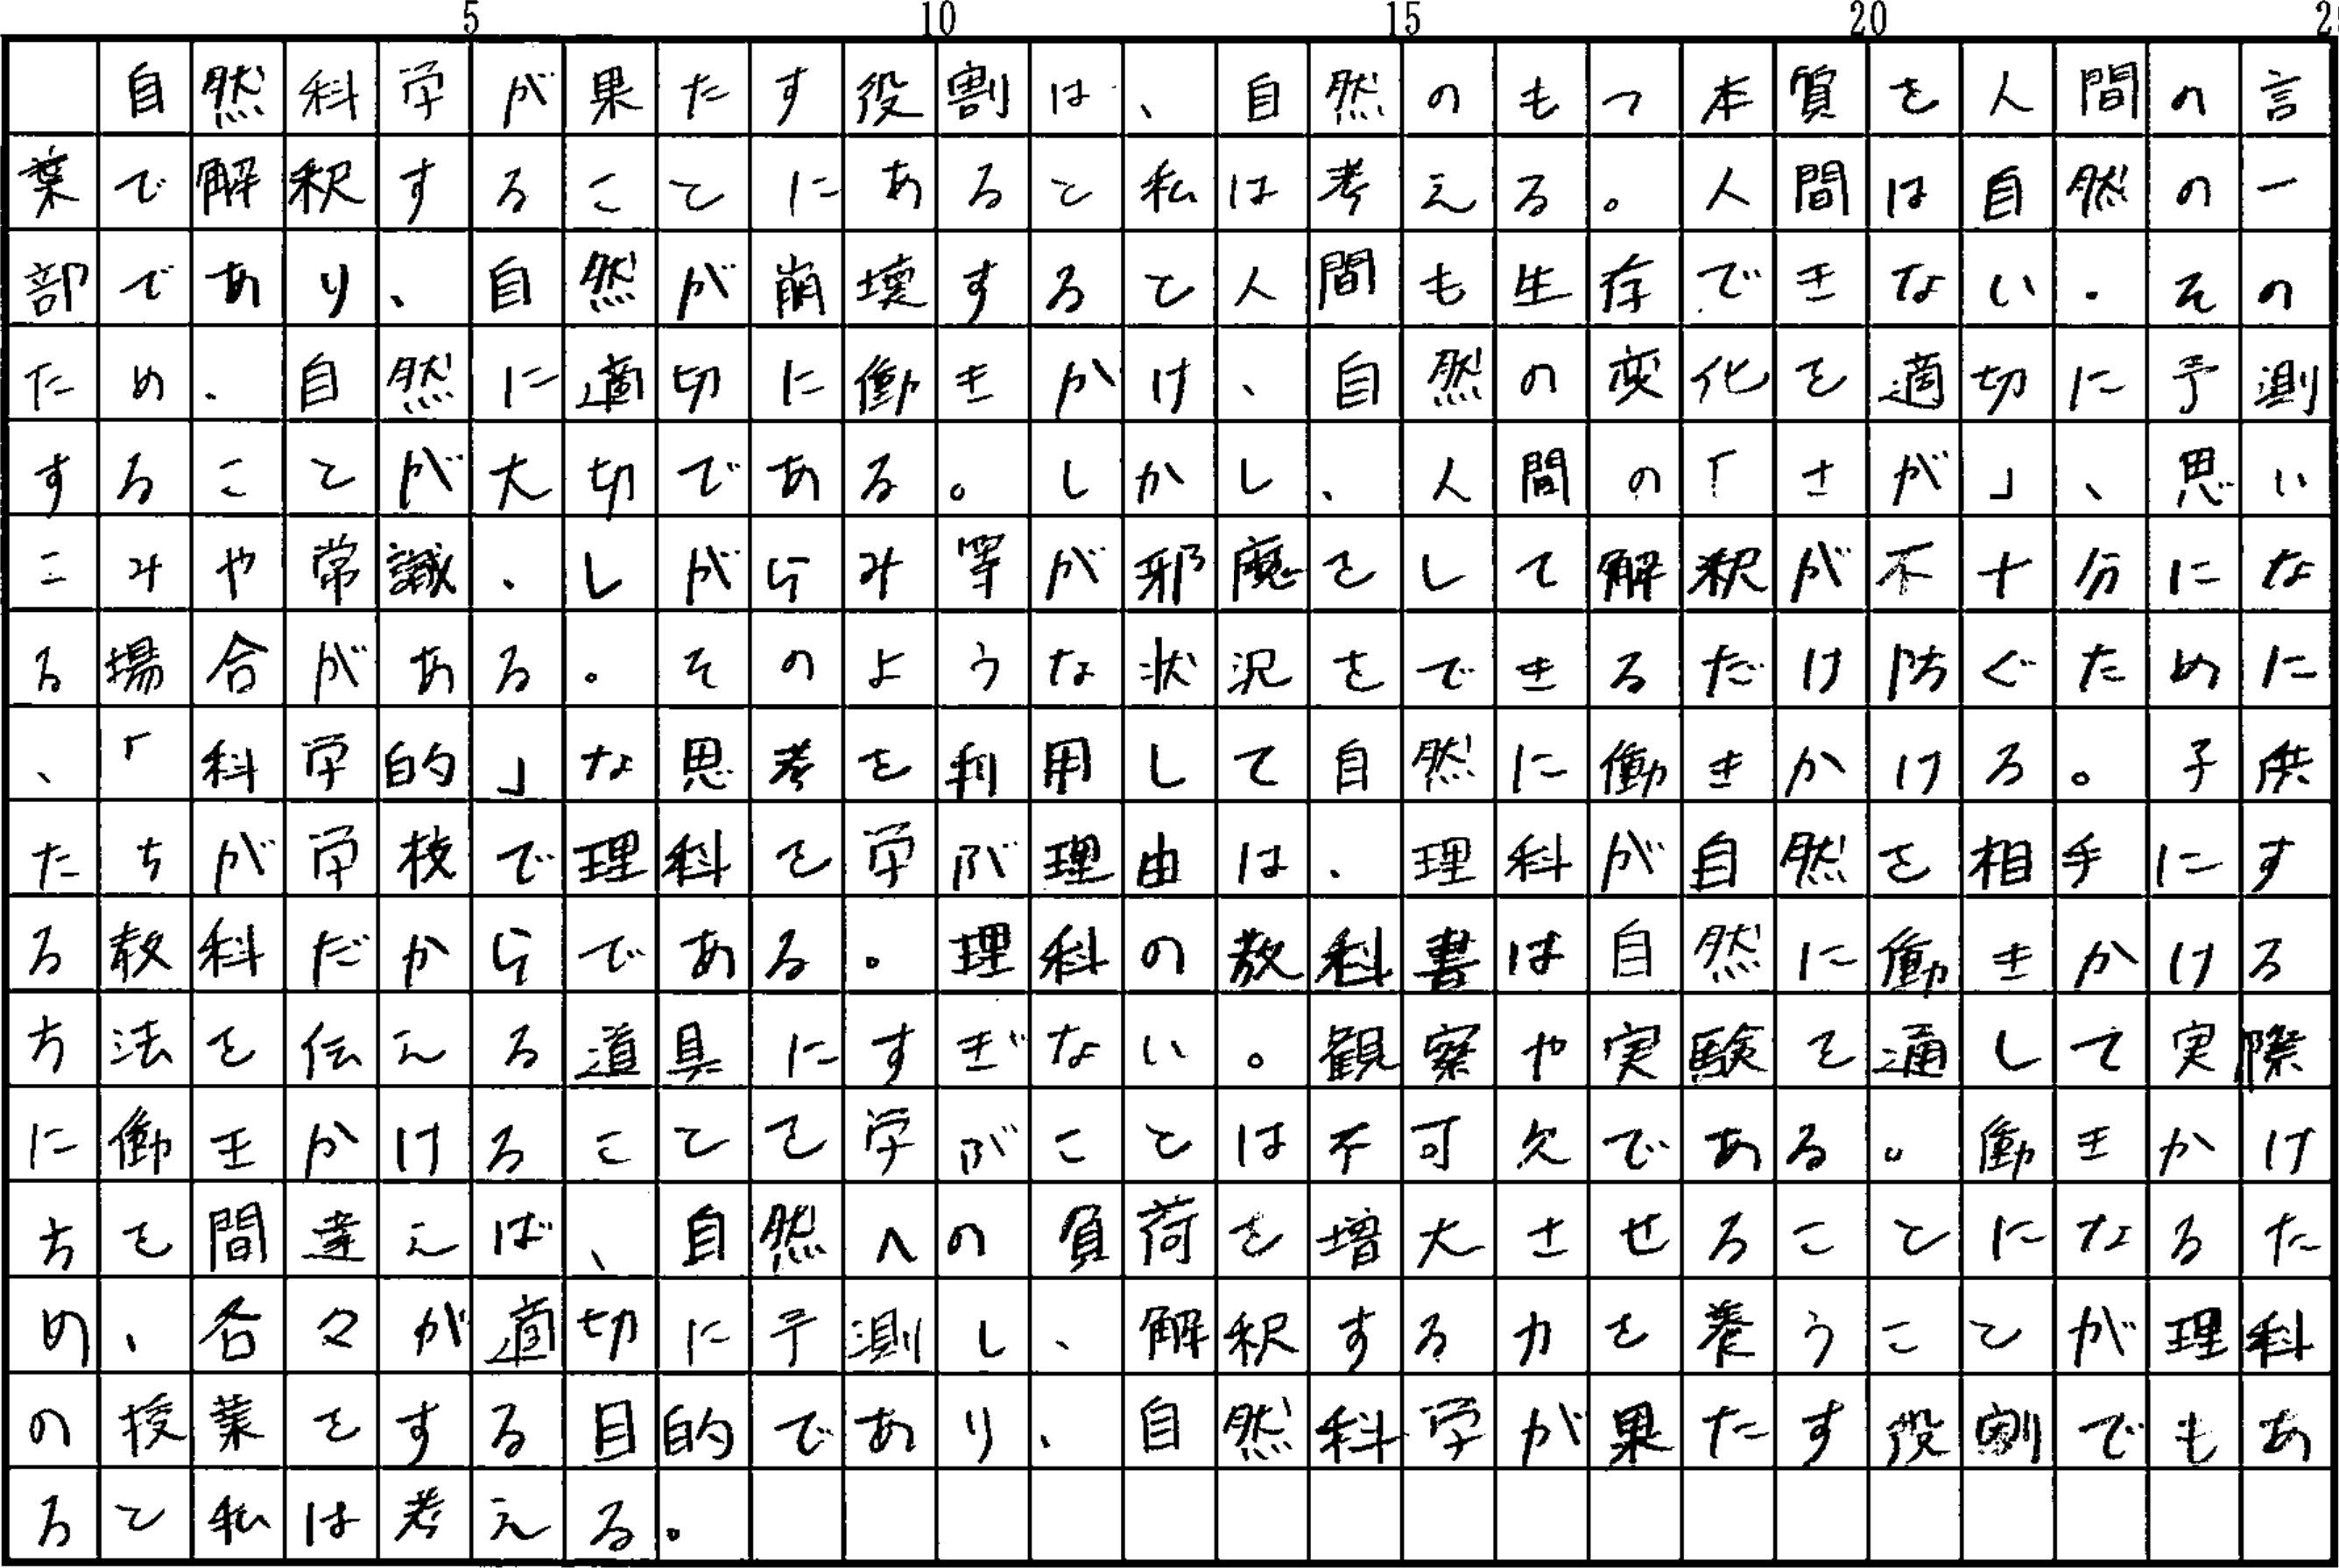　自然科学が果たす役割は、自然のもつ本質を人間の言葉で解釈することにあると私は考える。人間は自然の一部であり、自然が崩壊すると人間も生存できない。そのため、自然に適切に働きかけ、自然の変化を適切に予測することが大切である。しかし、人間の「さが」、思いこみや常識、しがらみ等が邪魔をして解釈が不十分になる場合がある。そのような状況をできるだけ防ぐために、「科学的」な思考を利用して自然に働きかける。子供たちが学校で理科を学ぶ理由は、理科が自然を相手にする教科だからである。理科の教科書は自然に働きかける方法を伝える道具にすぎない。観察や実験を通して実際に働きかけることを学ぶことは不可欠である。働きかけ方を間違えば、自然への負荷を増大させることになるため、各々が適切に予測し、解釈する力を養うことが理科の授業をする目的であり、自然科学が果たす役割でもあると私は考える。
